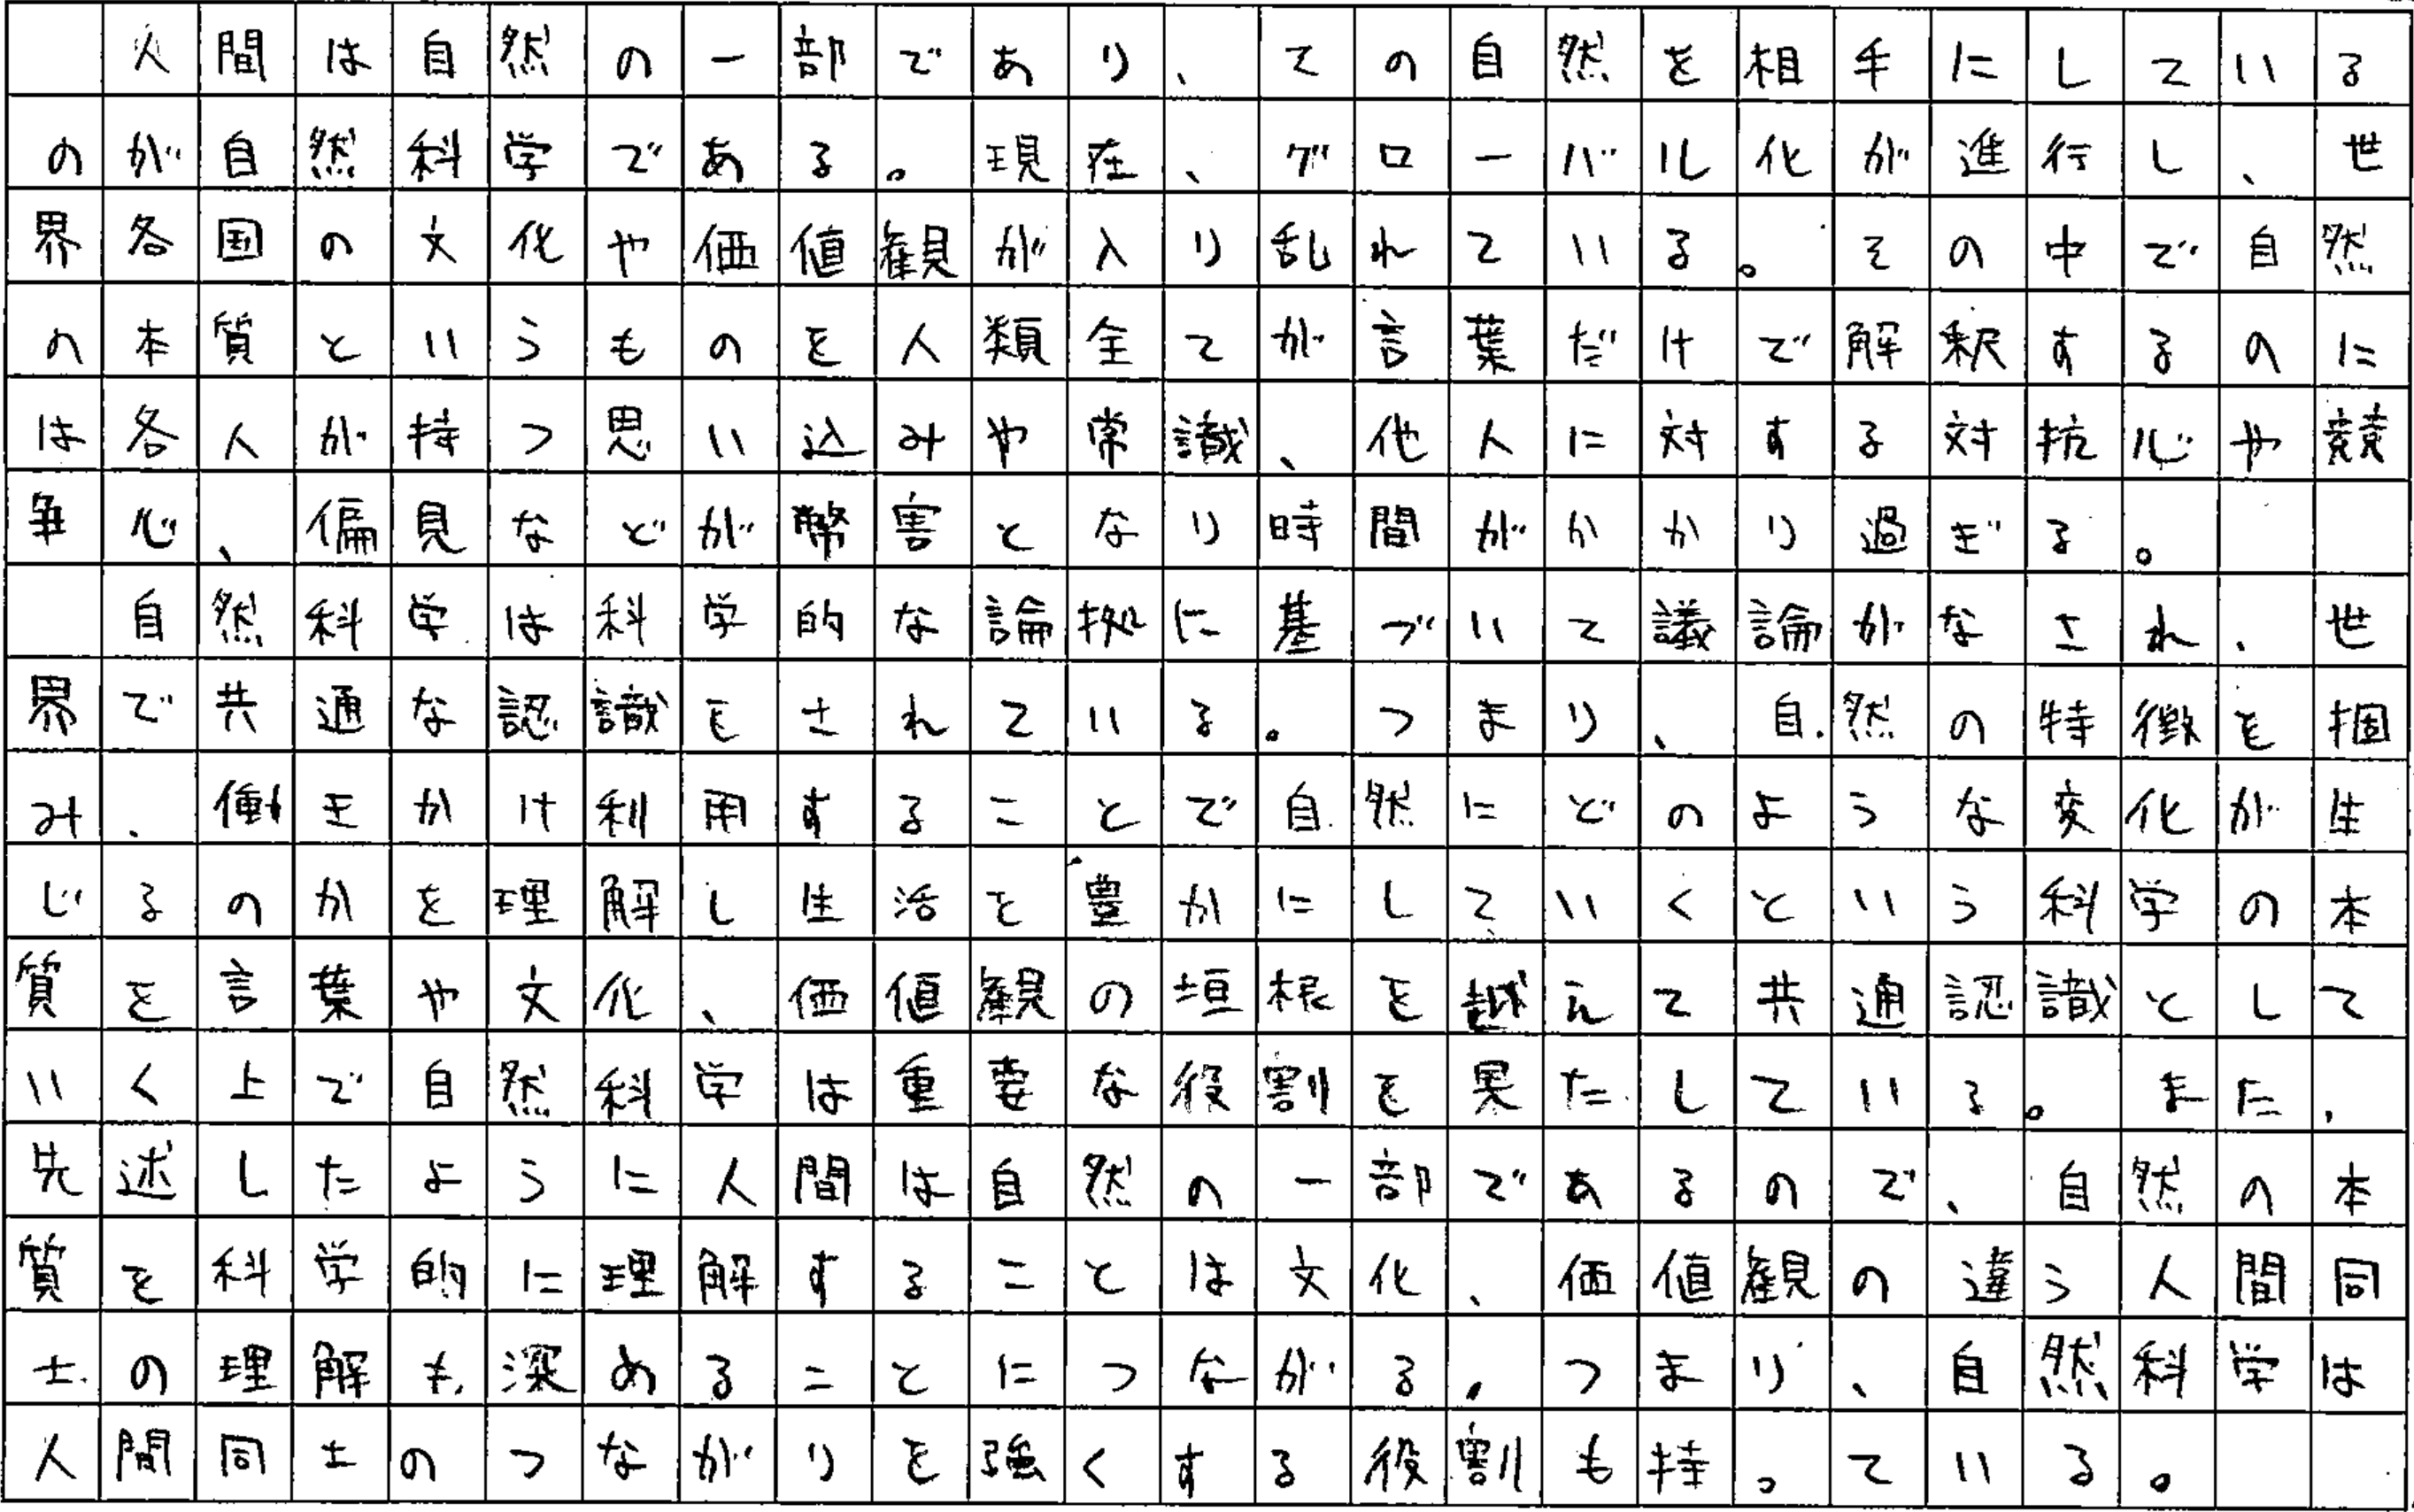　人間は自然の一部であり、その自然を相手にしているのが自然科学である。現在、グローバル化が進行し、世界各国の文化や価値観が入り乱れている。その中で自然の本質というものを人類全てが言葉だけで解釈するのには各人が持つ思い込みや常識、他人に対する対抗心や競争心、偏見などが幣害となり時間がかかり過ぎる。
　自然科学は科学的な論拠に基づいて議論がなされ、世界で共通な認識をされている。つまり、自然の特徴を▁み、働きかけ利用することで自然にどのような変化が生じるのかを理解し生活を豊かにしていくという科学の本質を言葉や文化、価値観の垣根を越えて共通認識としていく上で自然科学は重要な役割を果たしている。また、先述したように人間は自然の一部であるので、自然の本質を科学的に理解することは文化、価値観の違う人間同士の理解も深めることにつながる。つまり、自然科学は人間同士のつながりを強くする役割も持っている。
